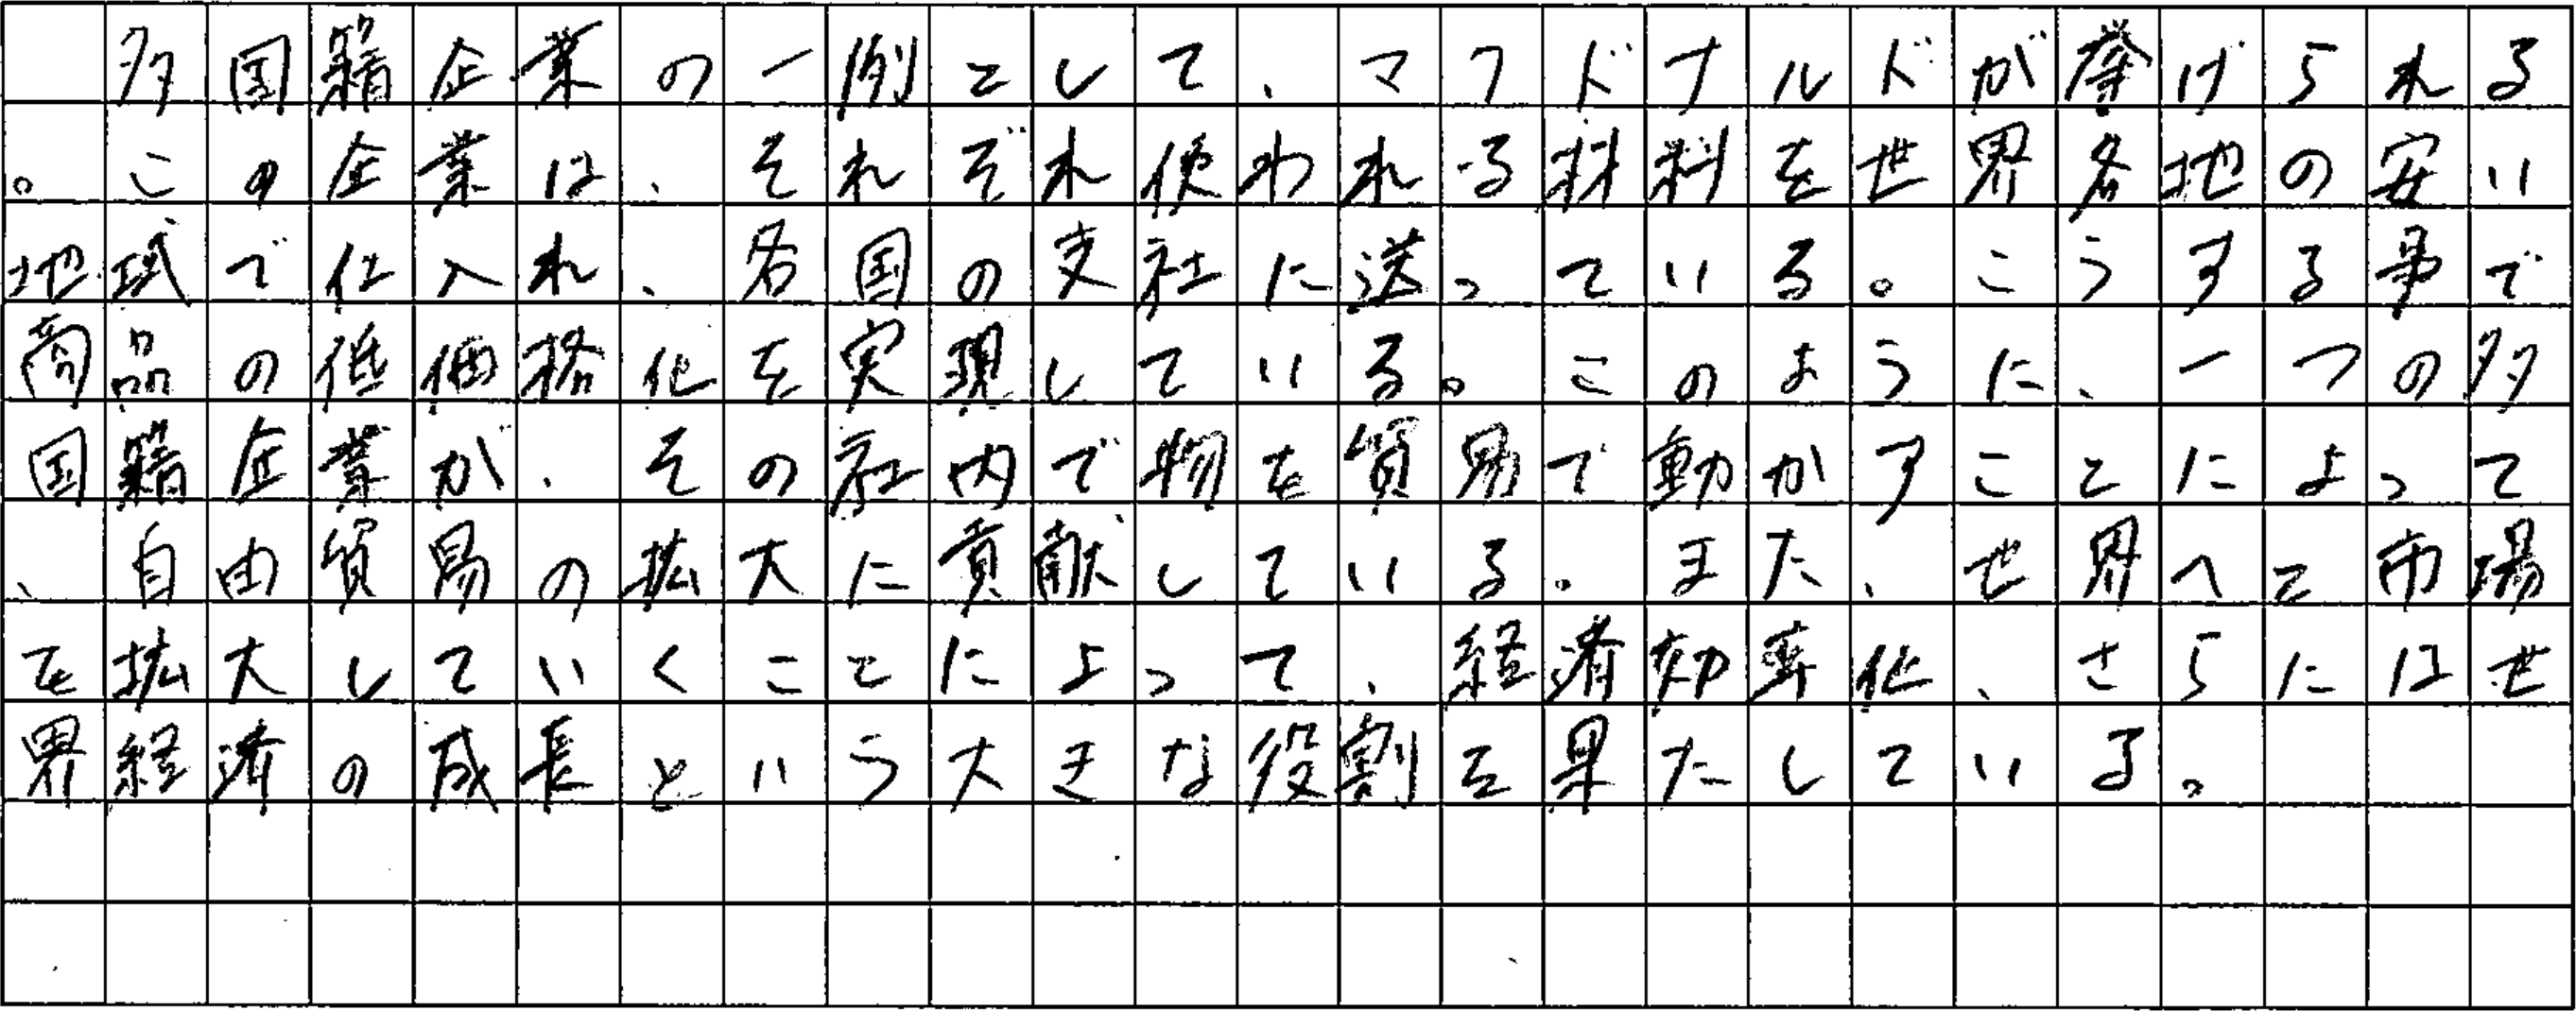　多国籍企業の一例として、マクドナルドが挙げられる。この企業は、それぞれ使われる材料を世界各地の安い地域で仕入れ、各国の支社に送っている。こうする事で商品の低価格化を実現している。このように、一つの多国籍企業が、その社内で物を貿易で動かすことによって、自由貿易の拡大に貢献している。また、世界へと市場を拡大していくことによって、経済効率化、さらには世界経済の成長という大きな役割を果たしている。
